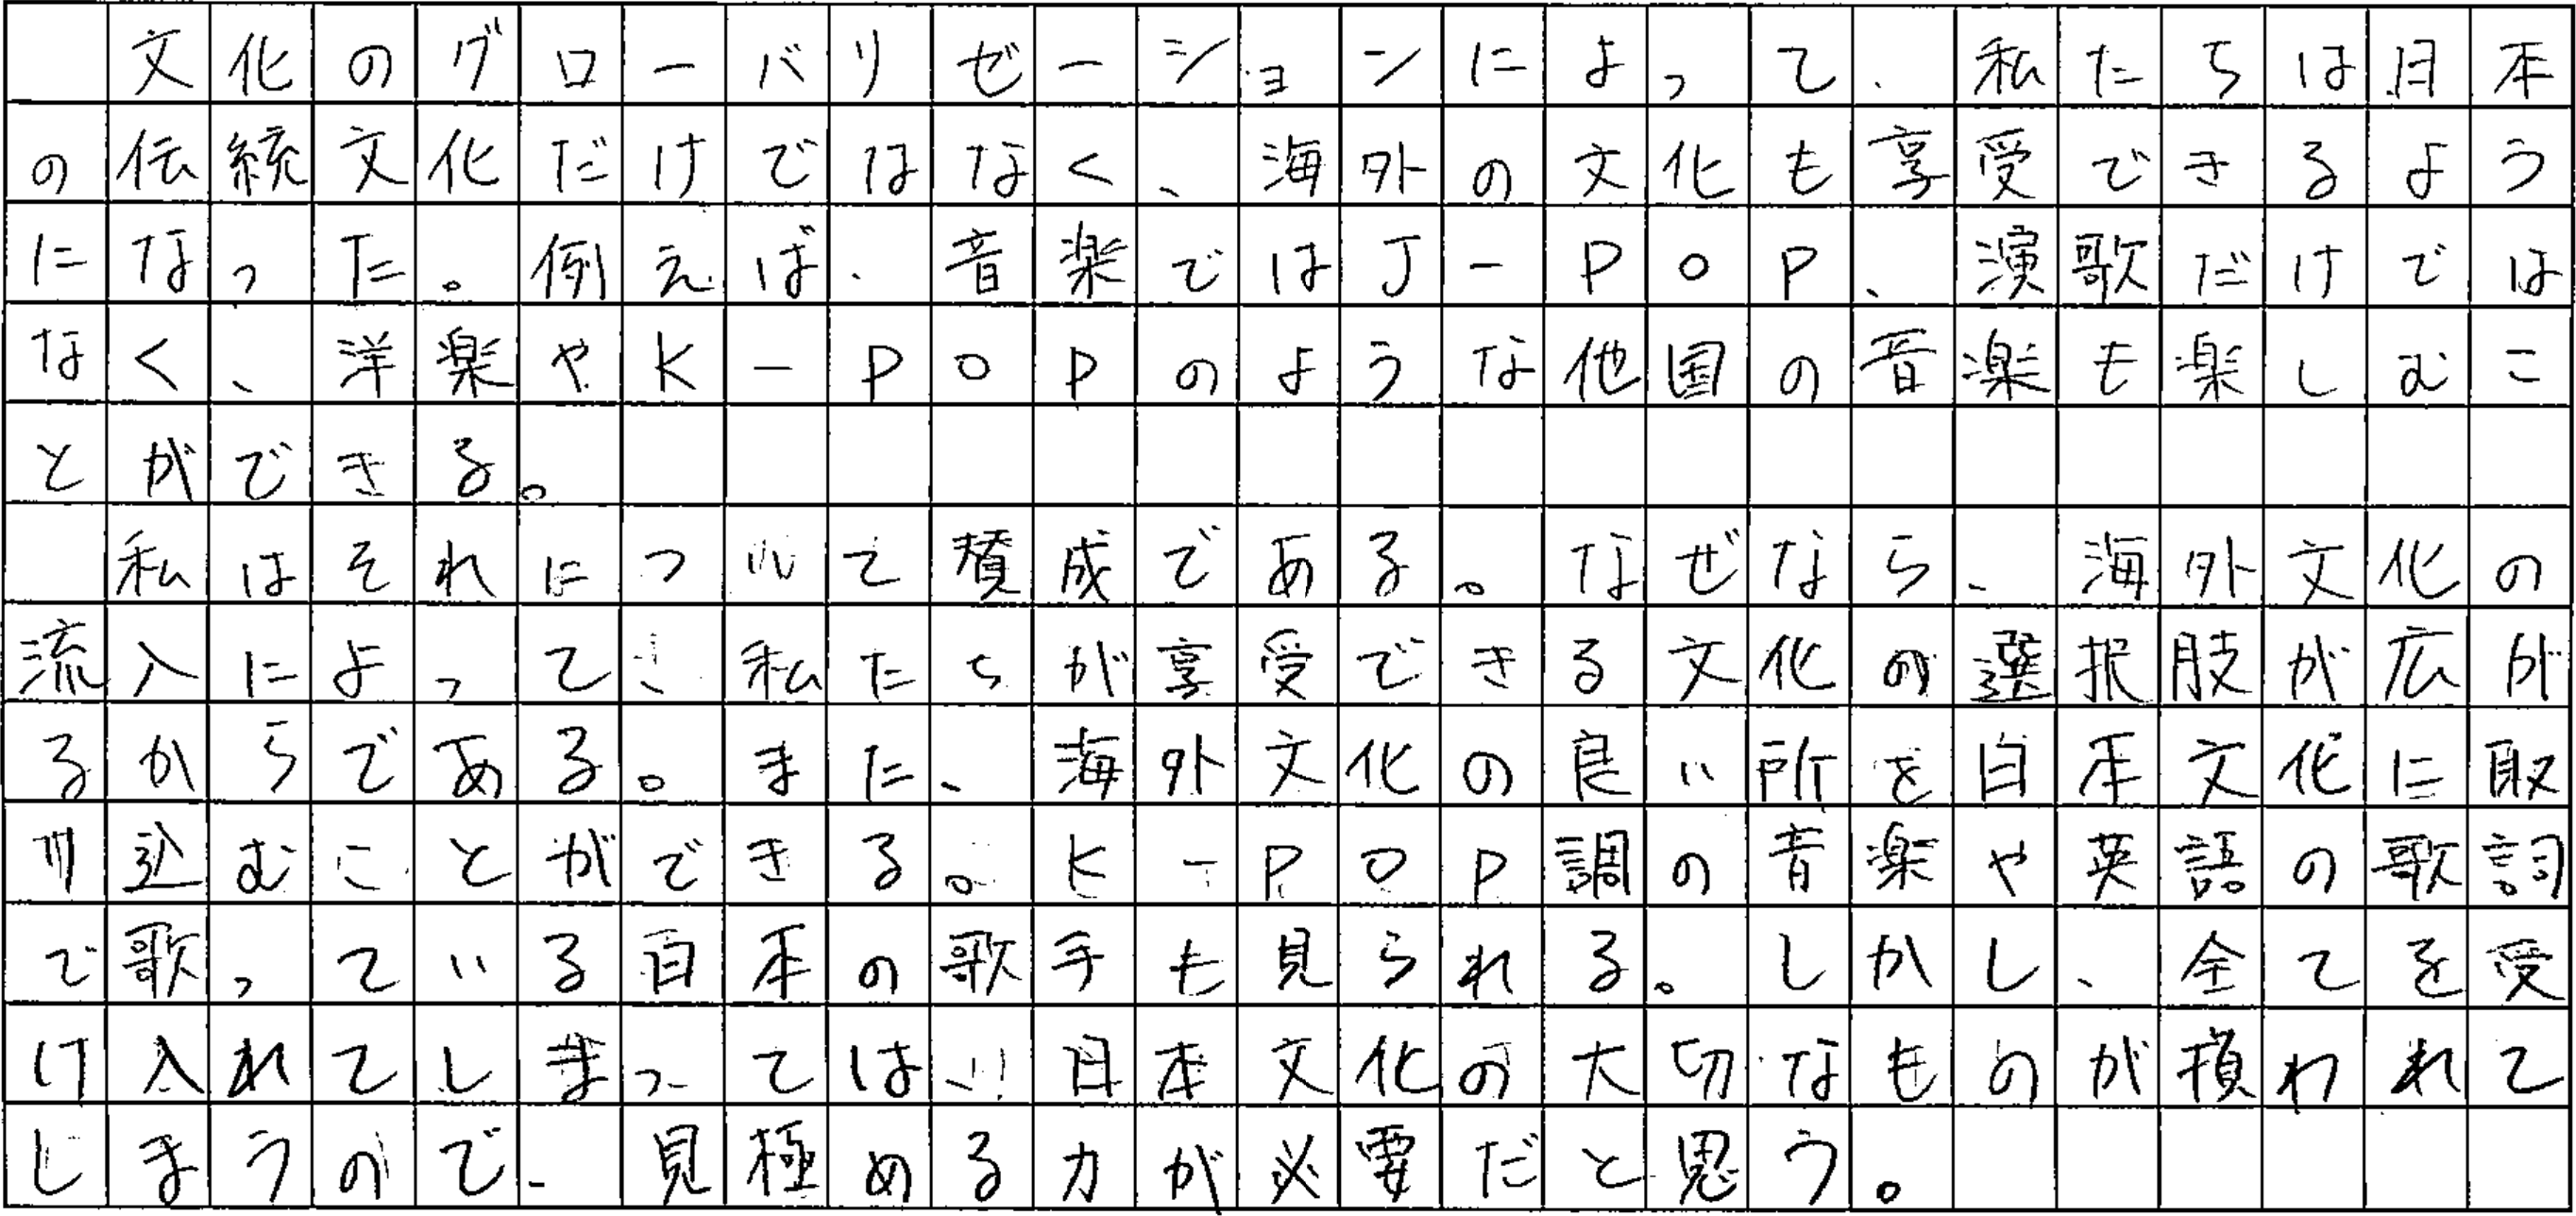 　文化のグローバリゼーションによって、私たちは日本の伝統文化だけではなく、海外の文化も享受できるようになった。例えば、音楽ではＪ－ＰＯＰ、演歌だけでなく、洋楽やＫ－ＰＯＰのような他国の音楽も楽しむことができる。
　私はそれについて賛成である。なぜなら、海外文化の流入によって、私たちが享受できる文化の選択肢が広がるからである。また、海外文化の良い所を日本文化に取り込むことができる。Ｋ－ＰＯＰ調の音楽や英語の歌詞で歌っている日本の歌手も見られる。しかし、全てを受け入れてしまっては、日本文化の大切なものが損われてしまうので、見極める力が必要だと思う。
